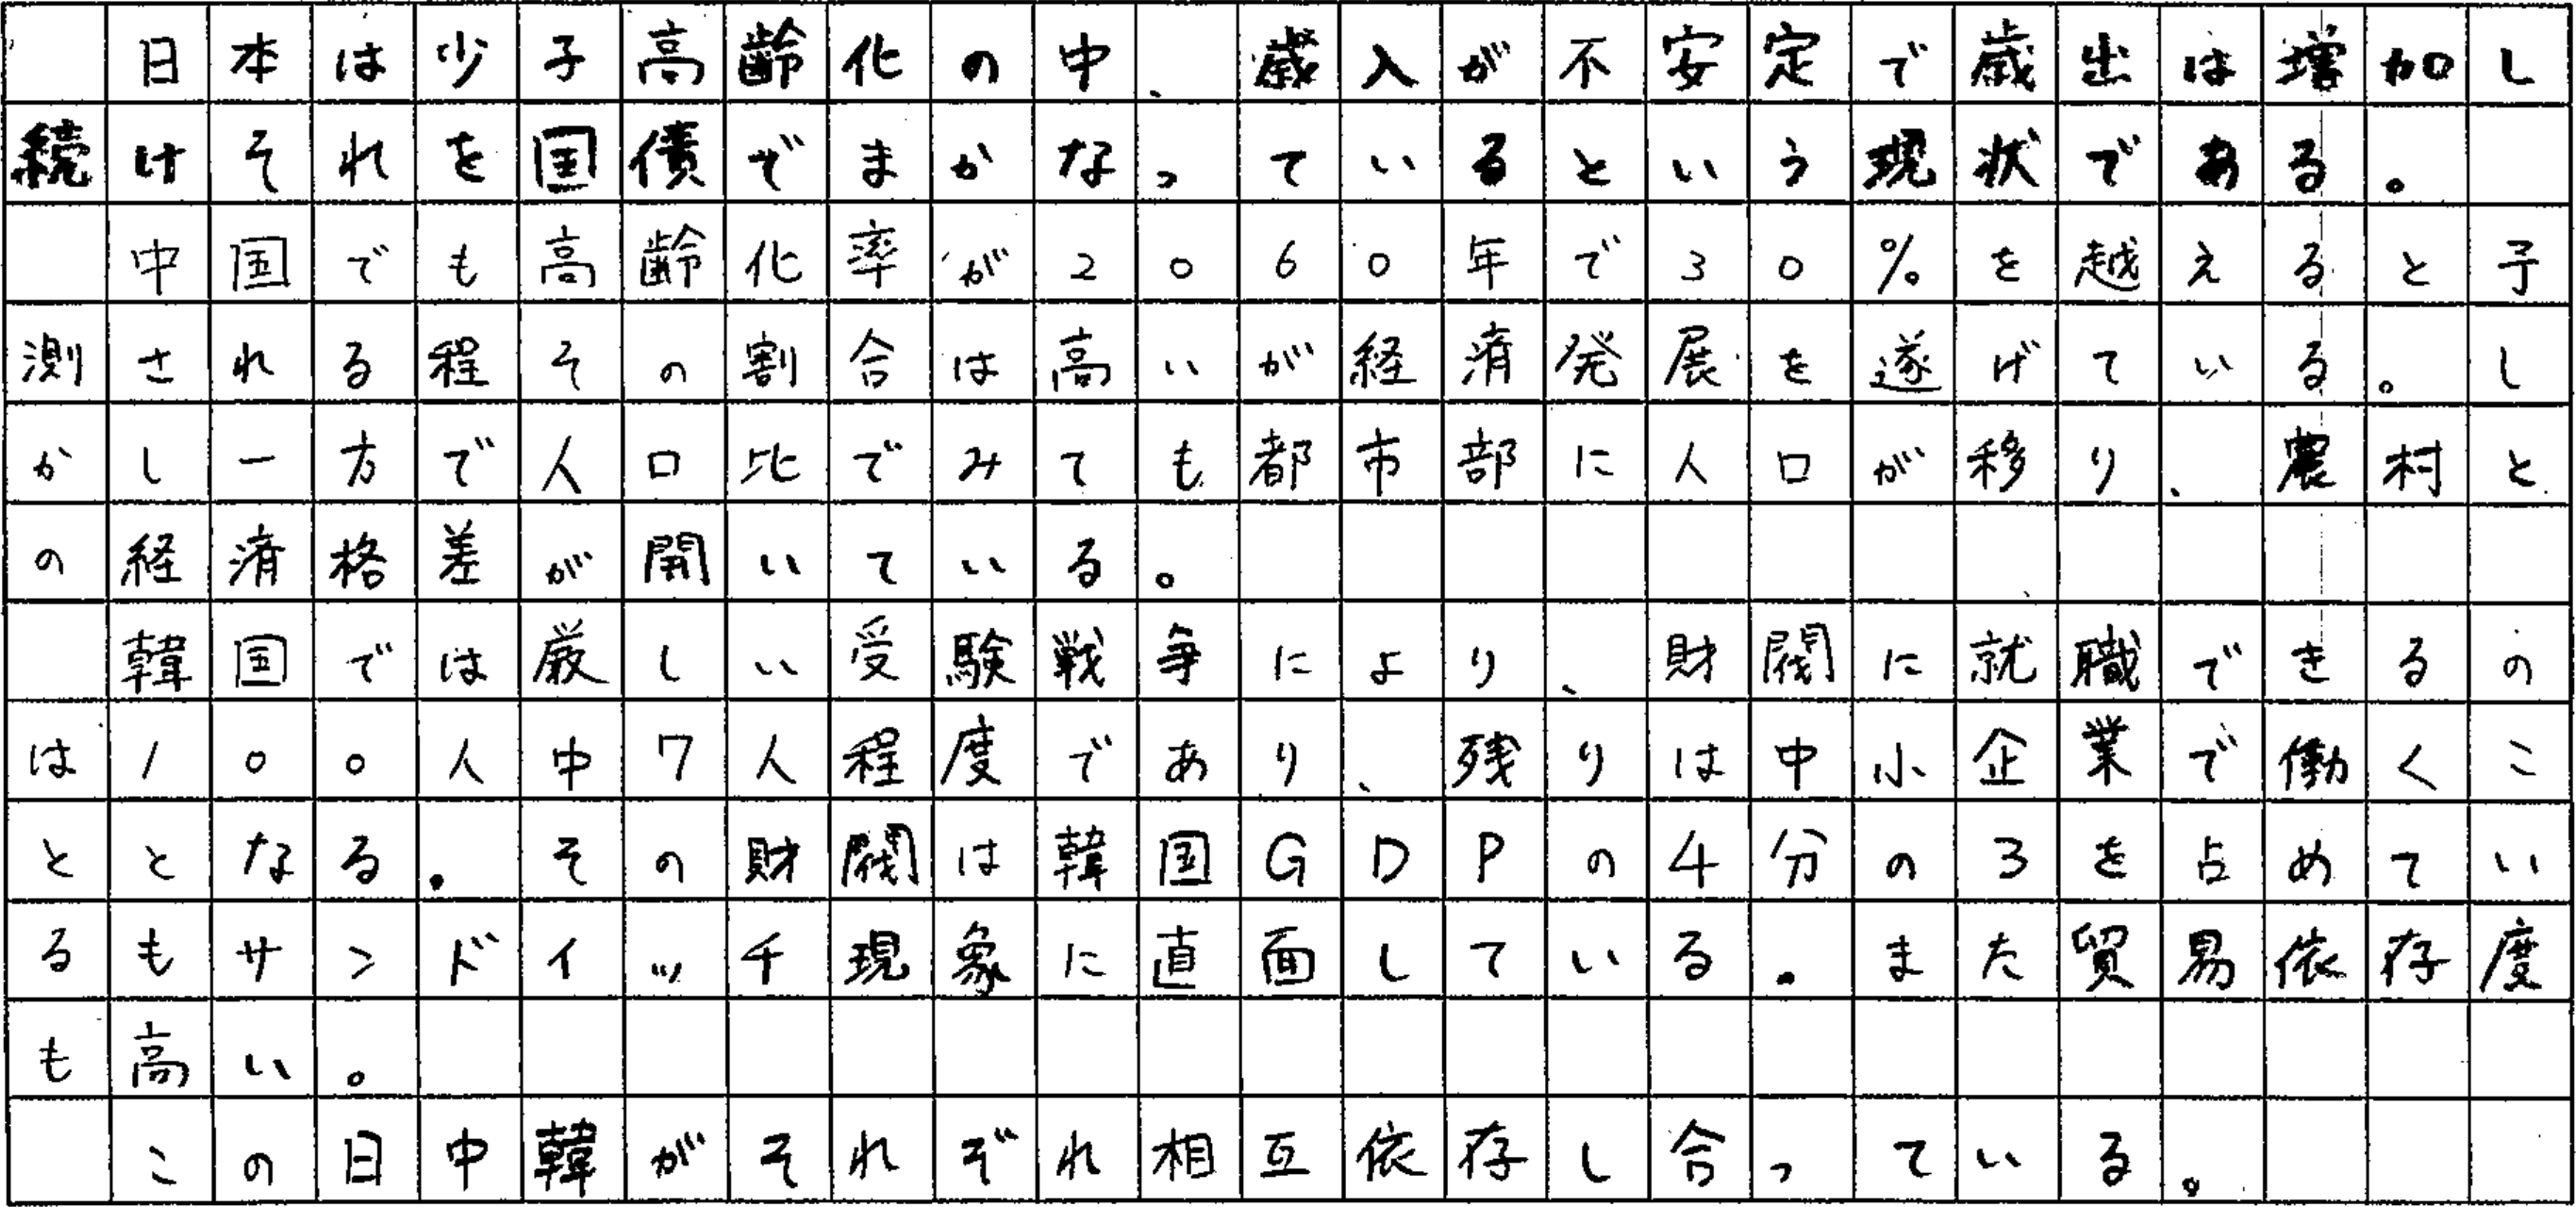　日本は少子高齢化の中、歳入が不安定で歳出は増加し続けそれを国債でまかなっているという現状である。
　中国でも高齢化率が２０６０年で３０％を越えると予測される程その割合は高いが経済発展を遂げている。しかし一方で人口比でみても都市部に人口が移り、農村との経済格差が開いている。
　韓国では厳しい受験戦争により、財閥に就職できるのは１００人中７人程度であり、残りは中小企業で働くこととなる。その財閥は韓国ＧＤＰの４分の３を占めているもサンドイッチ現象に直面している。また貿易依存度も高い。
　この日中韓がそれぞれ相互依存し合っている。
